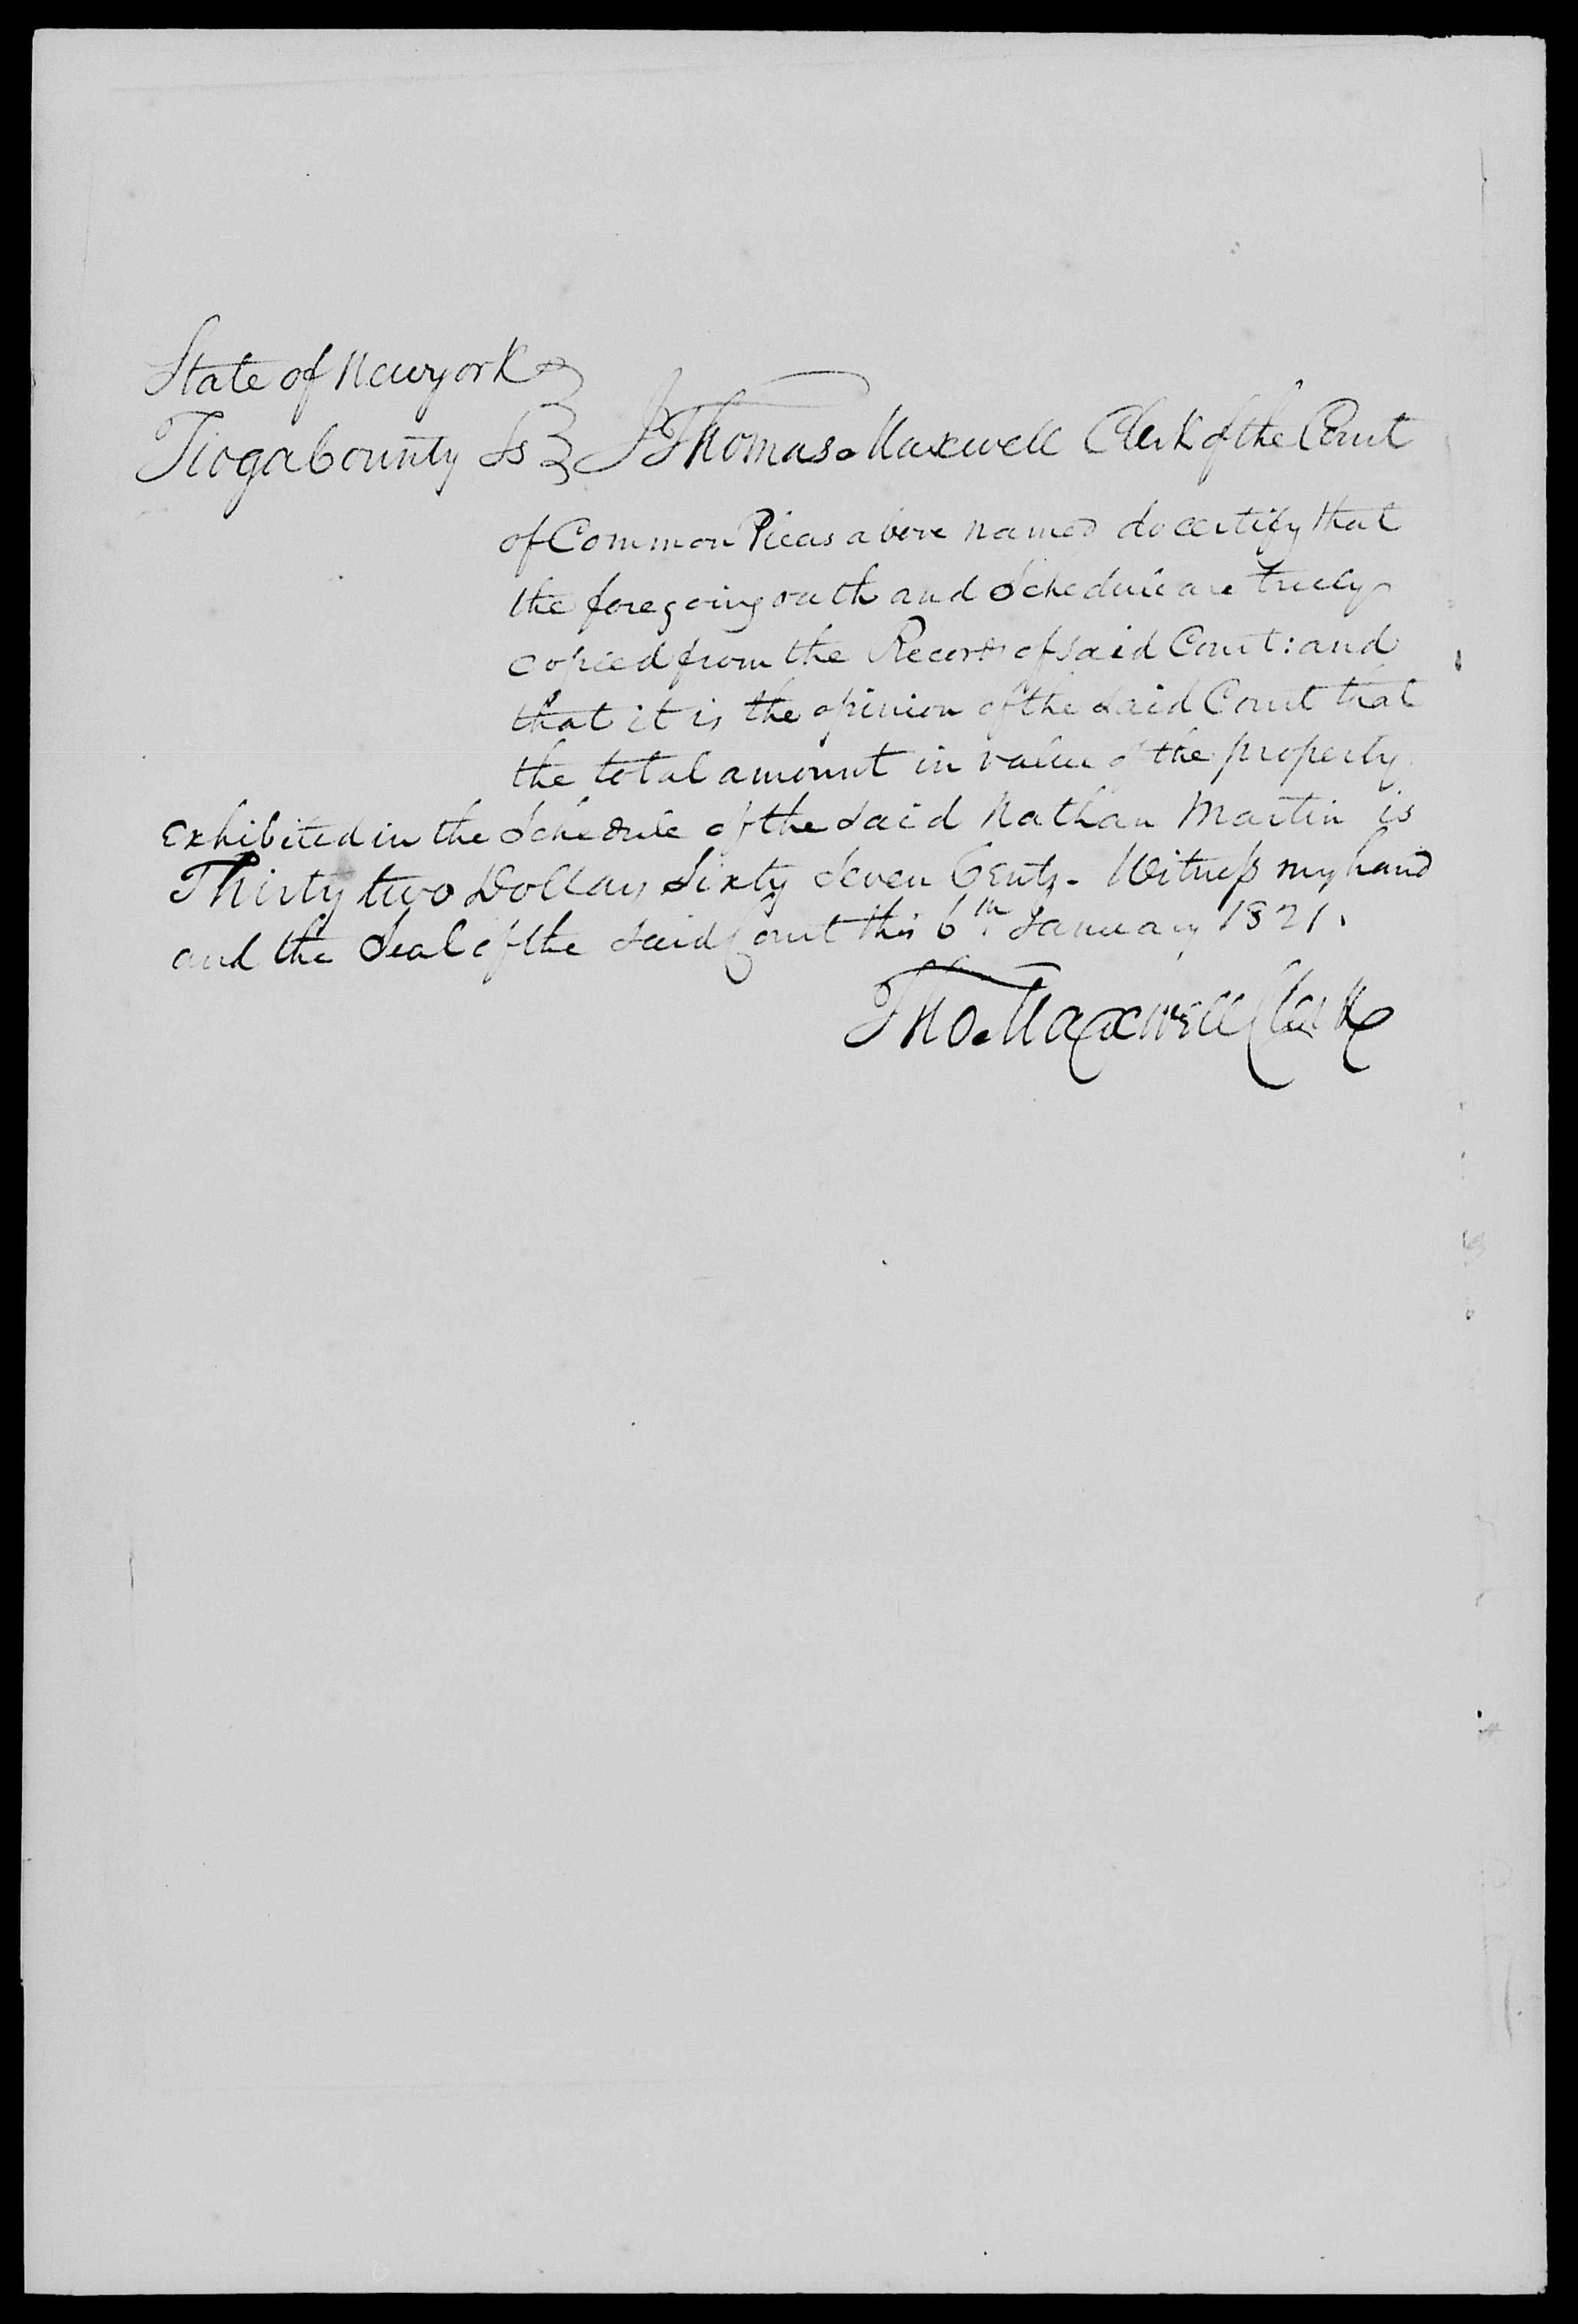State of New york
Tioga County ss} J Thomas Maxwell Clerk of the Court
of Common Pleas above named do certify that
the foregoing oath and Schedule are truly
copied from the Records of said Court: and
that it is the opinion of the said Court that
the total amount in value of the property.
Exhibited in the Schedule of the said Nathan Martin is
Thirty two Dollars Sixty Seven Cents- Witness my hand
and the Seal of the said Court this 6th January 1821.
Tho. Maxwell Clerk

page: 10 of 30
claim: widow's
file: W. 23,904, for Nathan Martin, New Hampshire